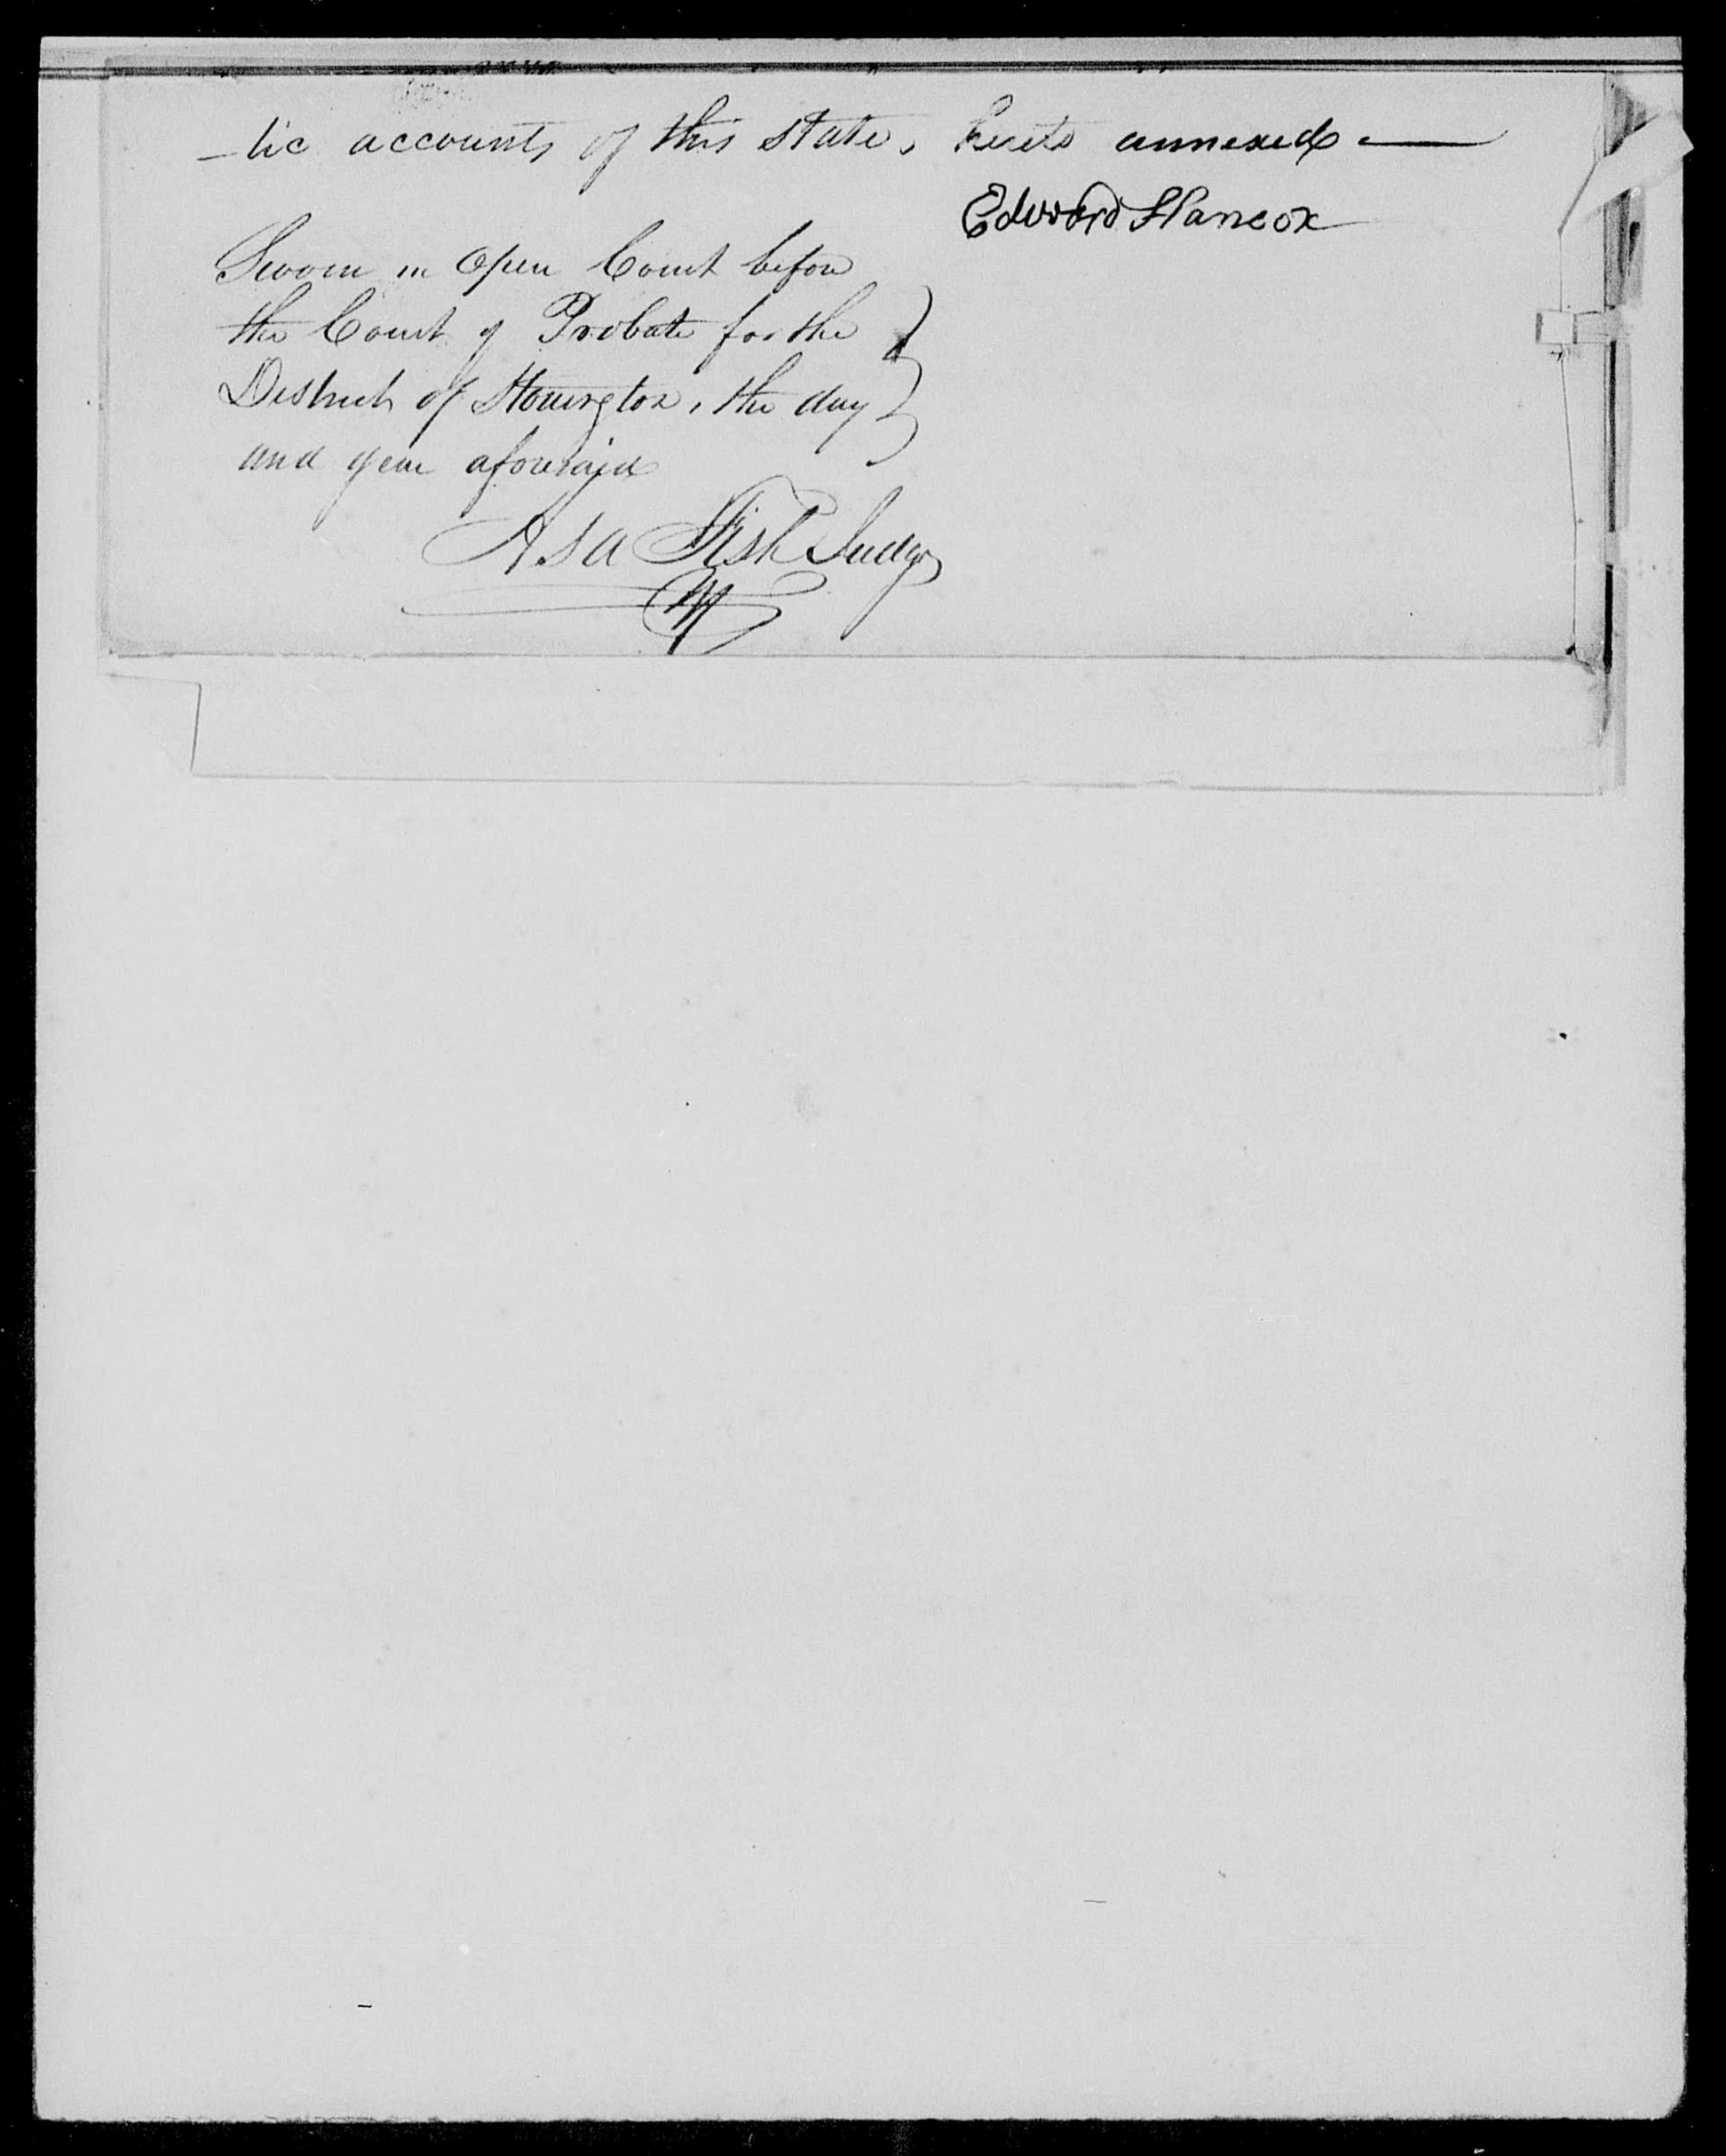public accounts of this state, hereto annexed
Edward Hancox

Sworn in open court before the Court of Probate for the District of Stonington, the day and year aforesaid.
Asa Fish Judge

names: Edward Hancox, Asa Fish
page: 15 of 26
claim: survivor's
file: S. 16843, Edward Hancox, Conn.